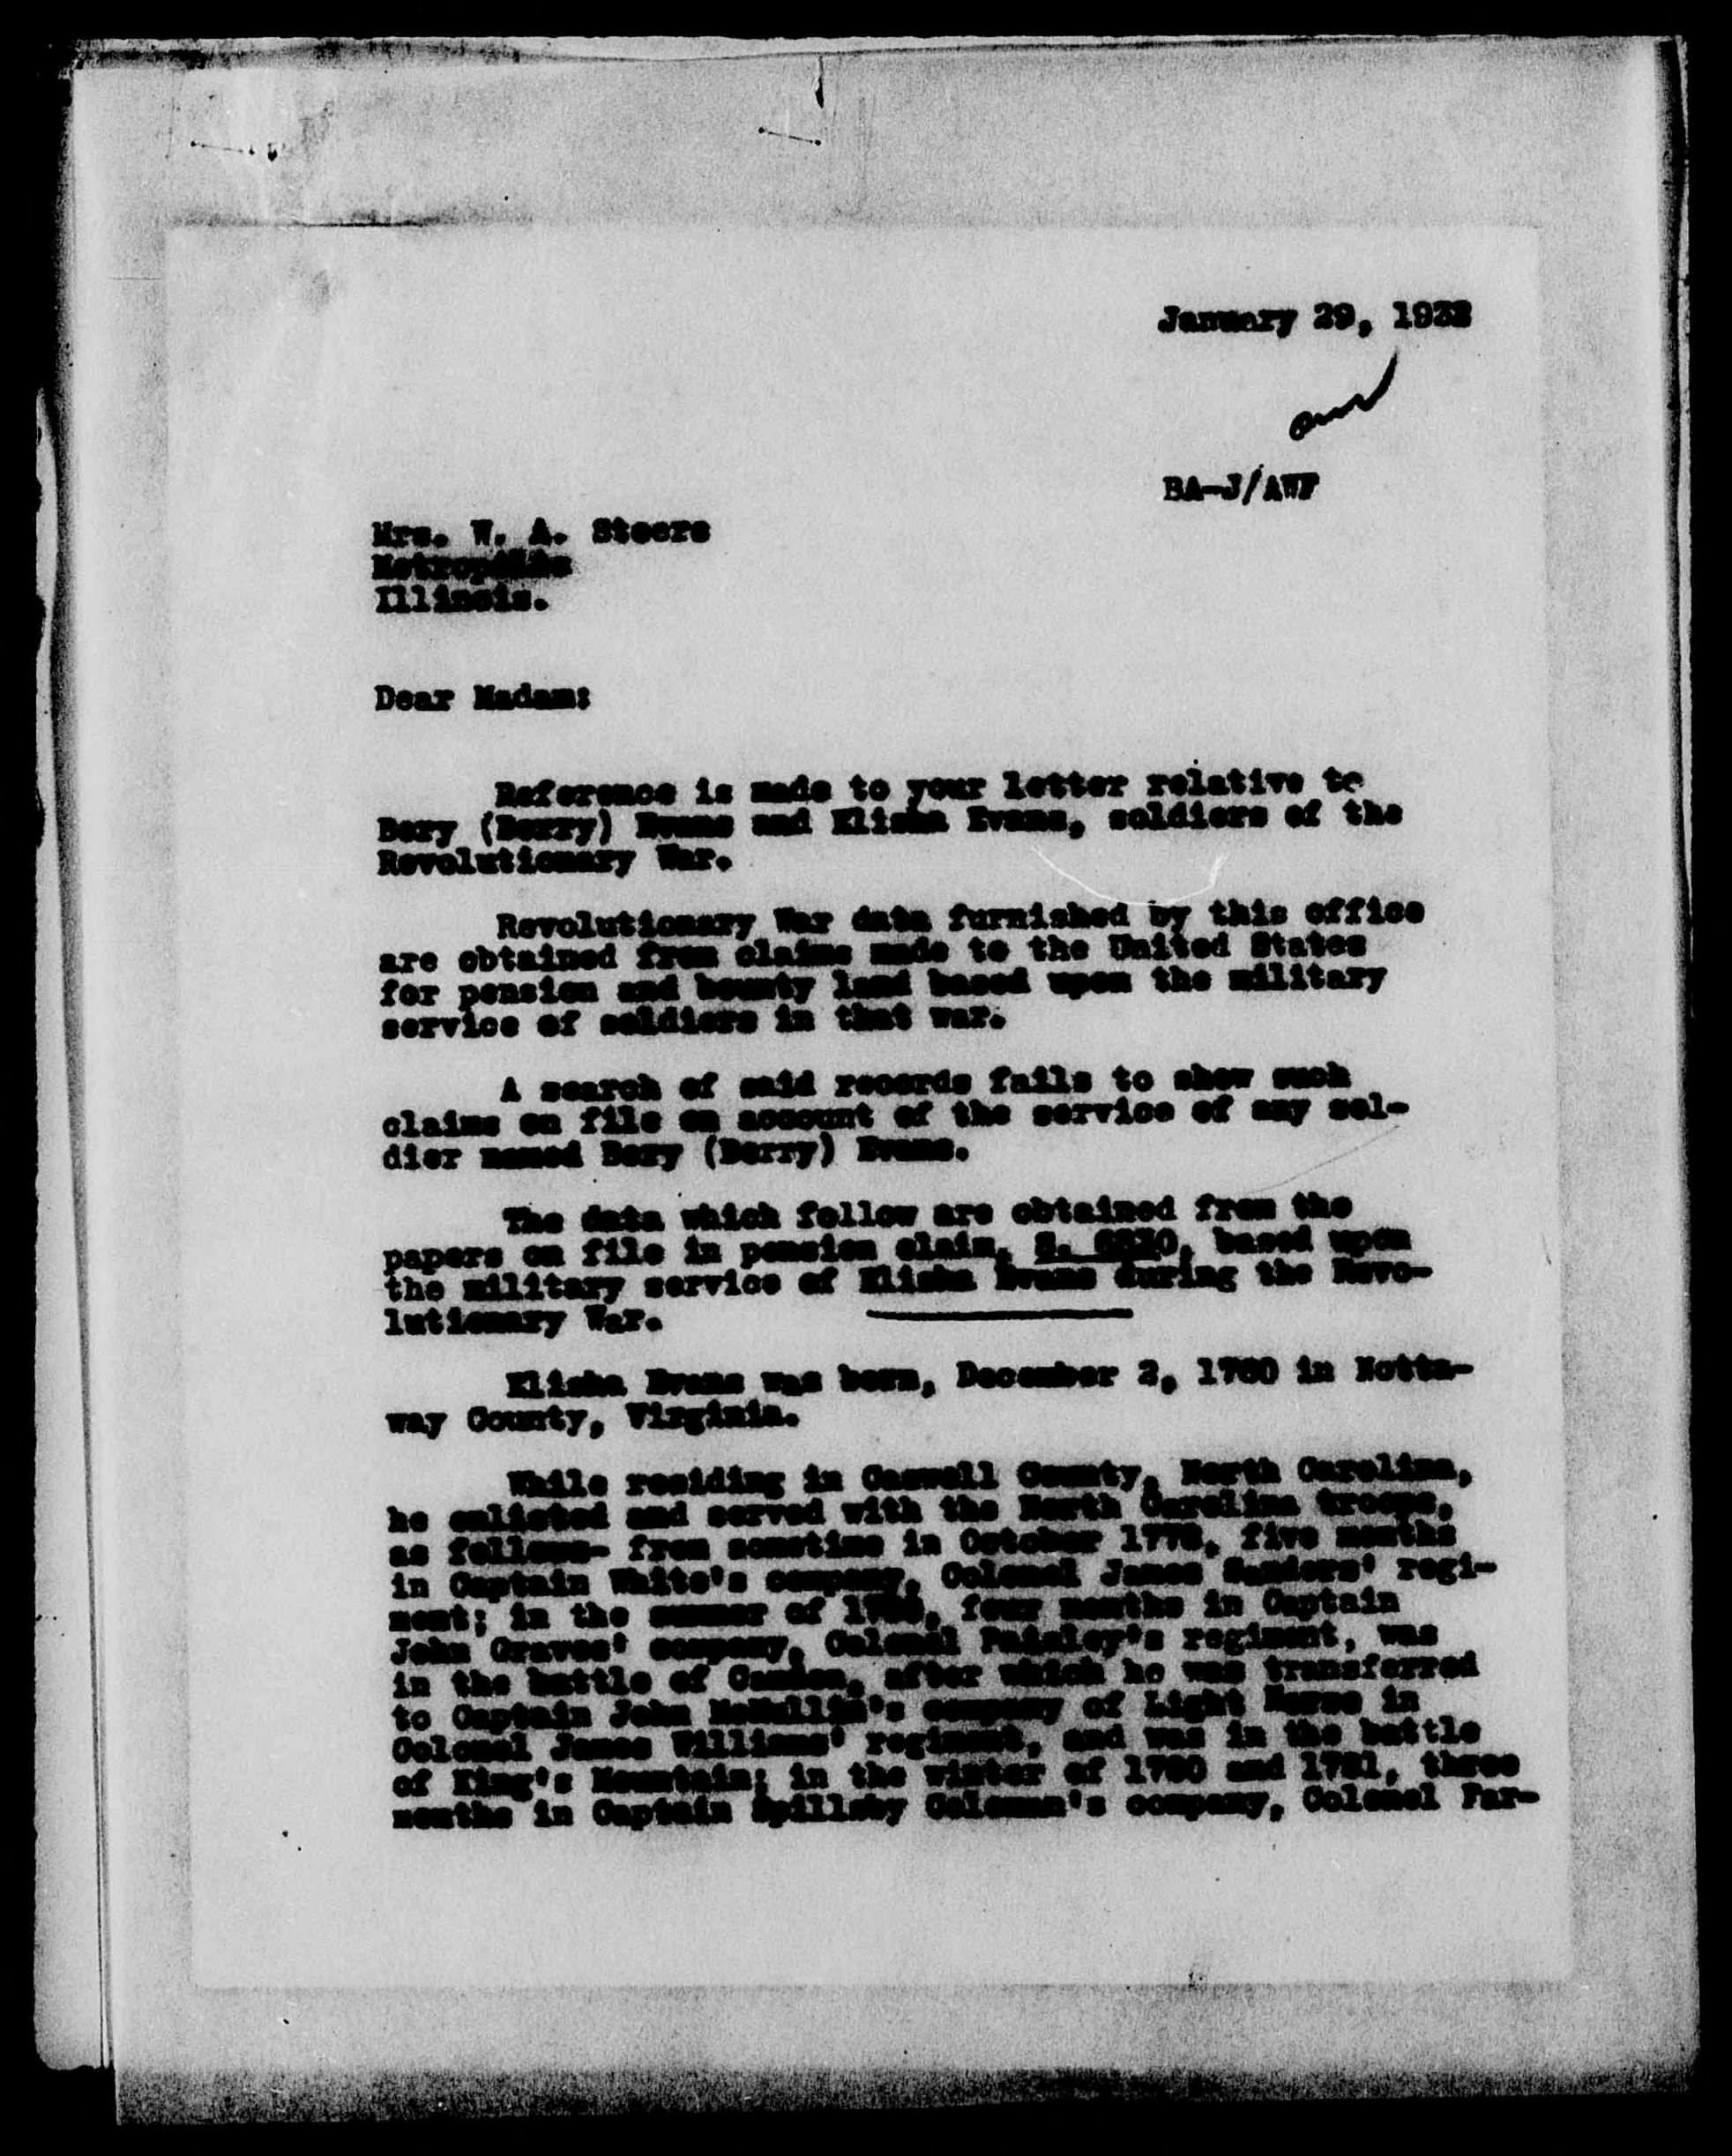January 29, 1933
[handwritten initials]

BA-J/AWF

Mrs. W. A. Steers
[illegible]
Illinois.

Dear Madam:

Reference is made to your letter relative to
Bery (Berry) Evans and Elisha Evans, soldiers of the Revolutionary War.

Revolutionary War Data furnished by this office are obtained from claims made to the United States for pension and bounty land based upon the military service of soldiers in that war.

A search of said records fails to show such
claims on file on account of the service of any soldier named Barry (Perry) Evans.

The data which follow are obtained from the
papers on file in pension claim, S. 6380, based upon the military service of Elisha Evans during the Revolutionary War.

Elisha Evans was born December 2, 1760 in Nottaway County, Virginia. While residing in Caswell County, he enlisted and served with the North Carolina troops as follows- from sometime in October 1778, five months in Captain White's company, Colonel James Sanders' regiment; in the summer of [illegible]
four months in Captain John Graves' Company,
and Paisley's regiment, was in the battle of Camden after which he was transferred to Captain John McMullin's company of Light Horse in Colonel James Williams regiment, and was in the battle of King's Mountain: in the winter of 1780 and 1781, three months in Captain Spillsby Coleman's Company, Colonel Far-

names: Bery Berry Evans, W A Steers, Bery Berry Evans, Elisha Evans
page: 15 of 29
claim: survivor's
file: S. 6830, Elisha Evans, N.C.